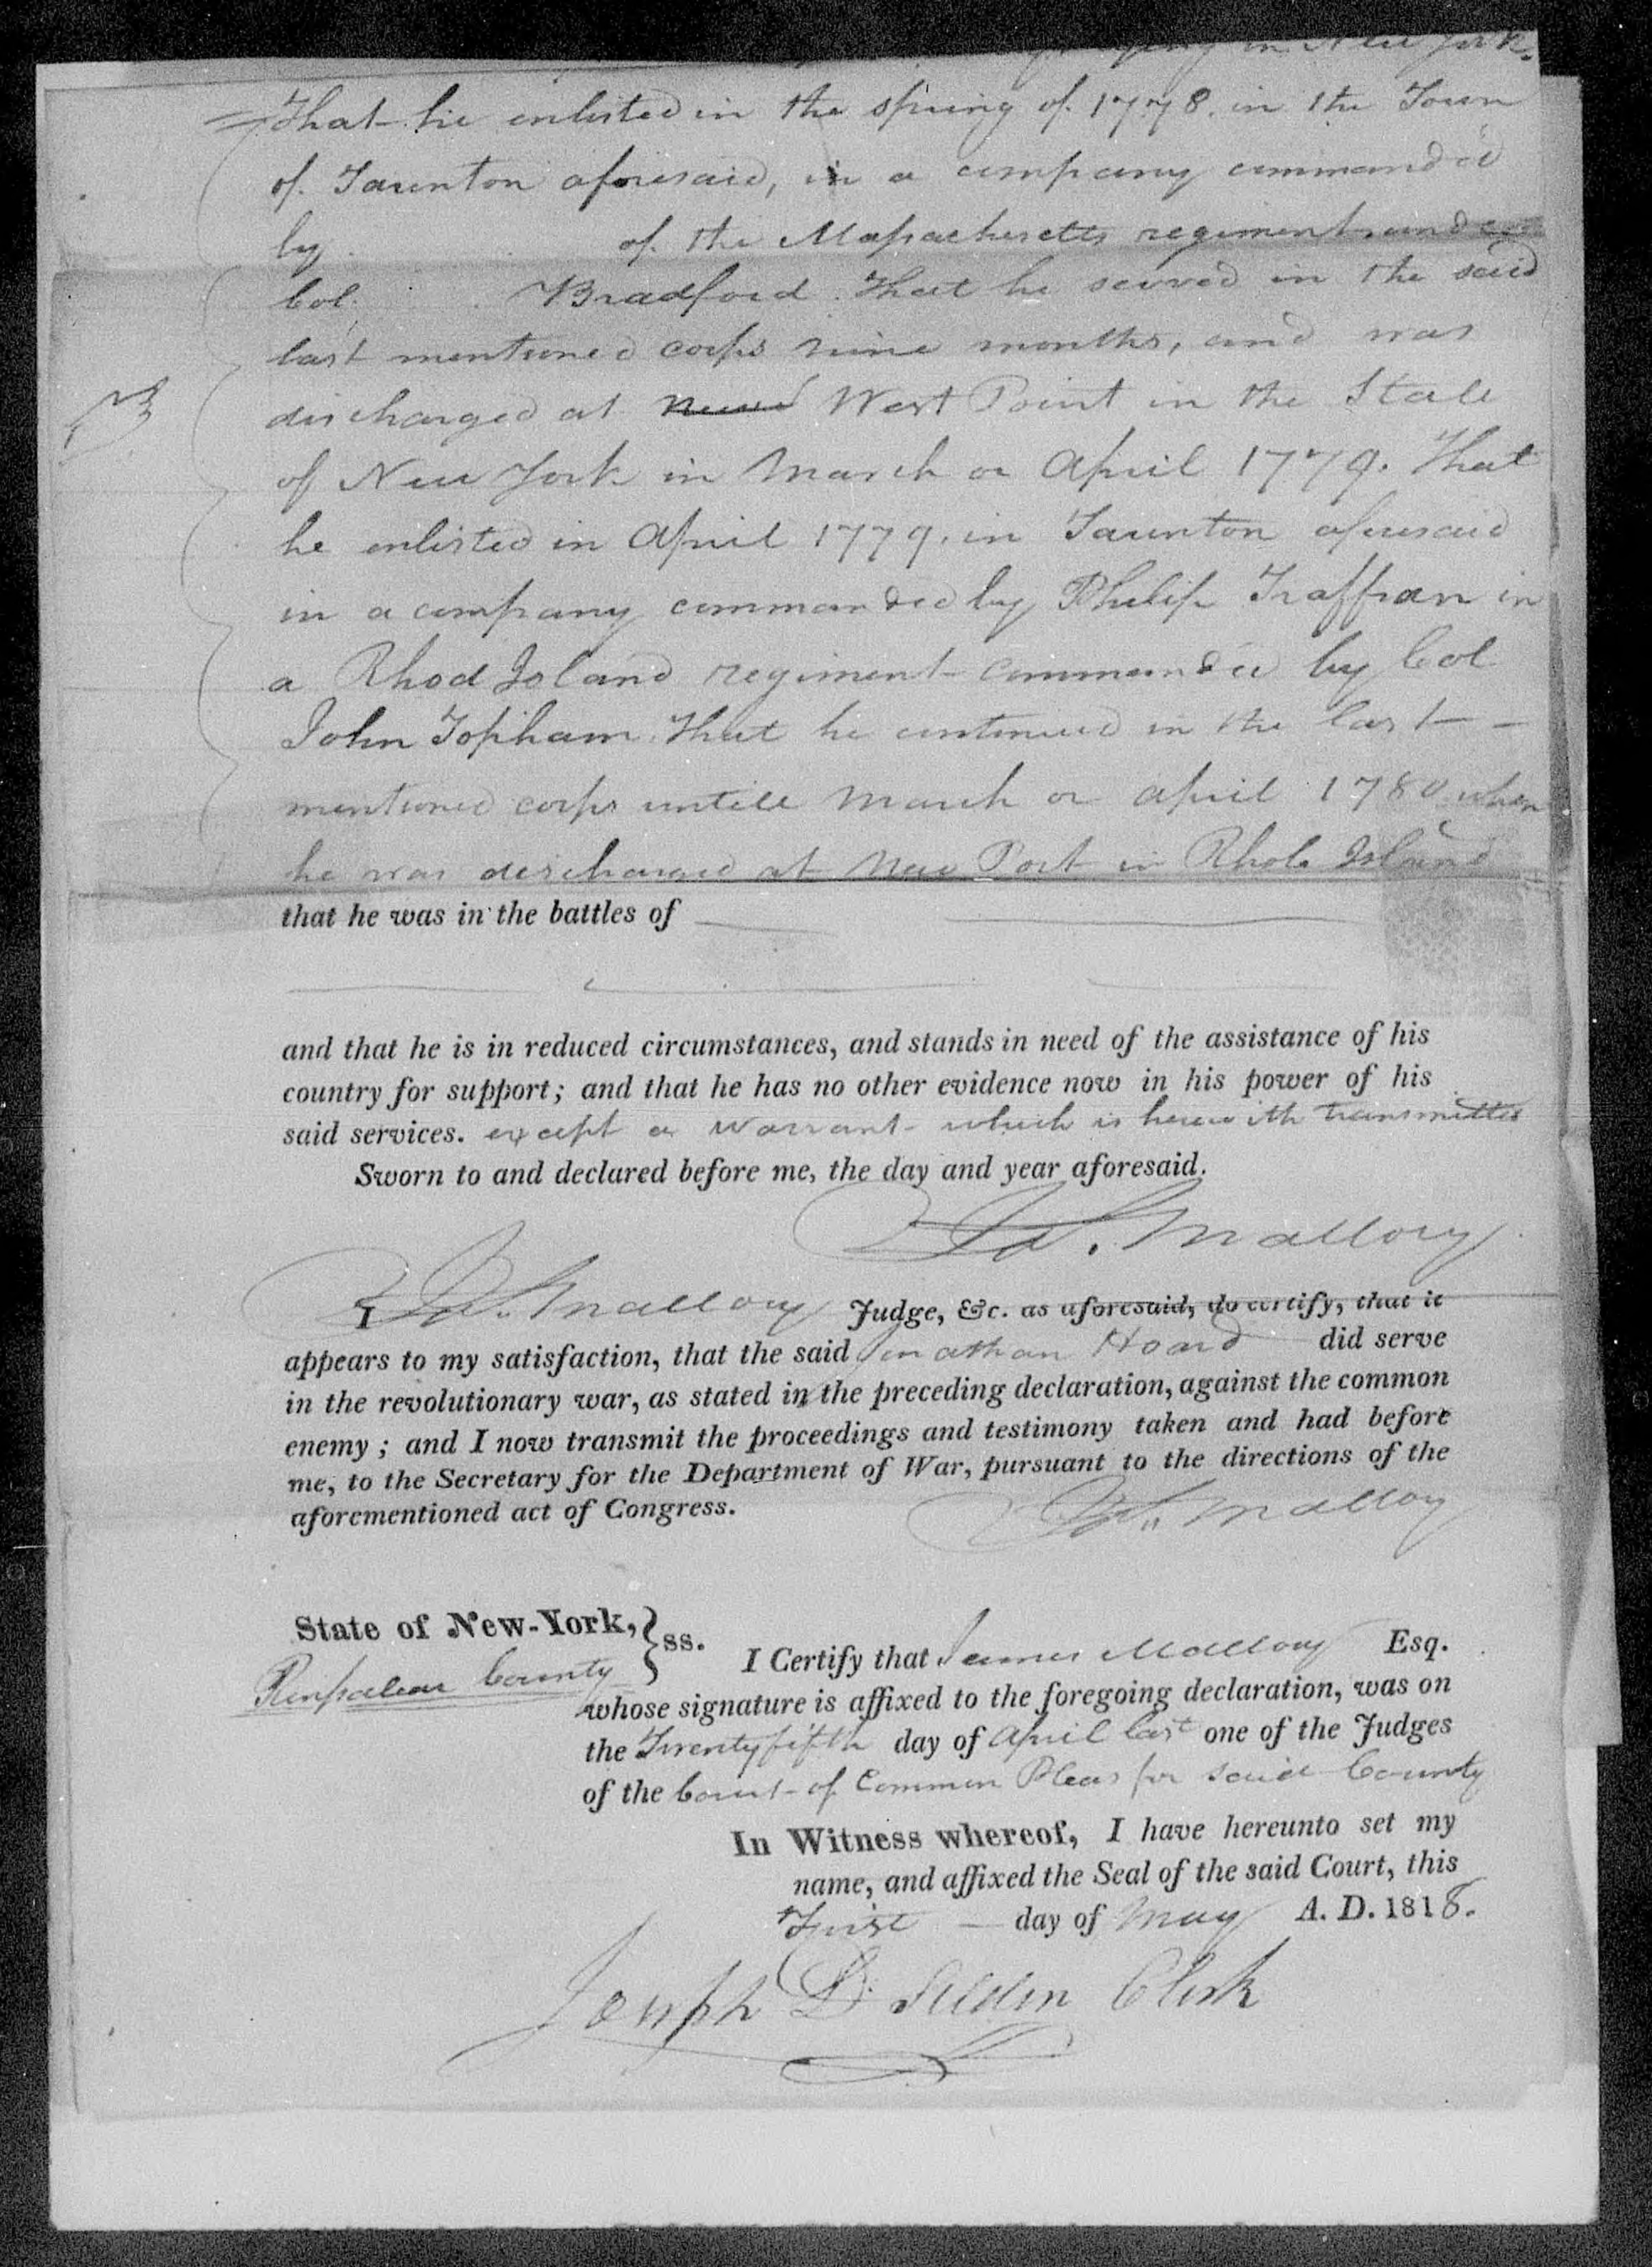[Most of first line of letter folded over] in New York.
That he enlisted in the spring of 1778 in the Town
of Taunton aforesaid, in a company commanded
by of the Massachusetts regiment and co
Col. Bradford. That he served in the said
last mentioned corps nine months, and was
discharged at West Point in the State
of New York in March on April 1779. That 
he enlisted in April 1779 in Taunton aforesaid
in a company commanded by Philip Traffran in
a Rhod Island regiment commanded by Col
John Topham. That he continued in the last
mentioned corps untill March or April 1780 when
he was discharged at New Port in Rhode Island
that he was in the battles of ---------------

and that he is in reduced circumstances, and stands in need of the assitance of his
country for support; and that he has no other evidence now in his power of his
said services. except a Warrant which is herewith transmitted
Sworn to and declared before me, the day and year aforesaid.
Ja. Mallory

I Ja. Mallory Judge, Ec. as aforesaid, do certify, that it 
appears to my satisfaction, that the said Jonathan Hoard did serve
in the revolutionary war, as stated in the preceding declaration, against the common
enemy; and I now transmit the proceedings and testimony taken and had before
me, to the Secretary for the Department of War, pursuant to the directions of the
aforementioned act of Congress.
Ja. Mallory

State of New-York,}
Renssalear County} SS. I Certify that James Mallory Esq.
whose signature is affixed to the foregoing declaration, was on 
the Twenty fifth day of April last one of the Judged
of the Court of Common Pleas for said County

In Witness whereof, I have hereunto set my
name, and affixed the Seal of the said Court, this
First day of May A.D. 1818.

Joseph D. Sildon Clerk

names: James Mallory, Jonathan Hoard, Jas Mallory, Jas Malloy, Bradford, Joseph D Silden, Jas Mallory, Philip Traffran, John Topham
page: 13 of 52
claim: widow's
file: W 19755, Jonathan Hoard, Mass.